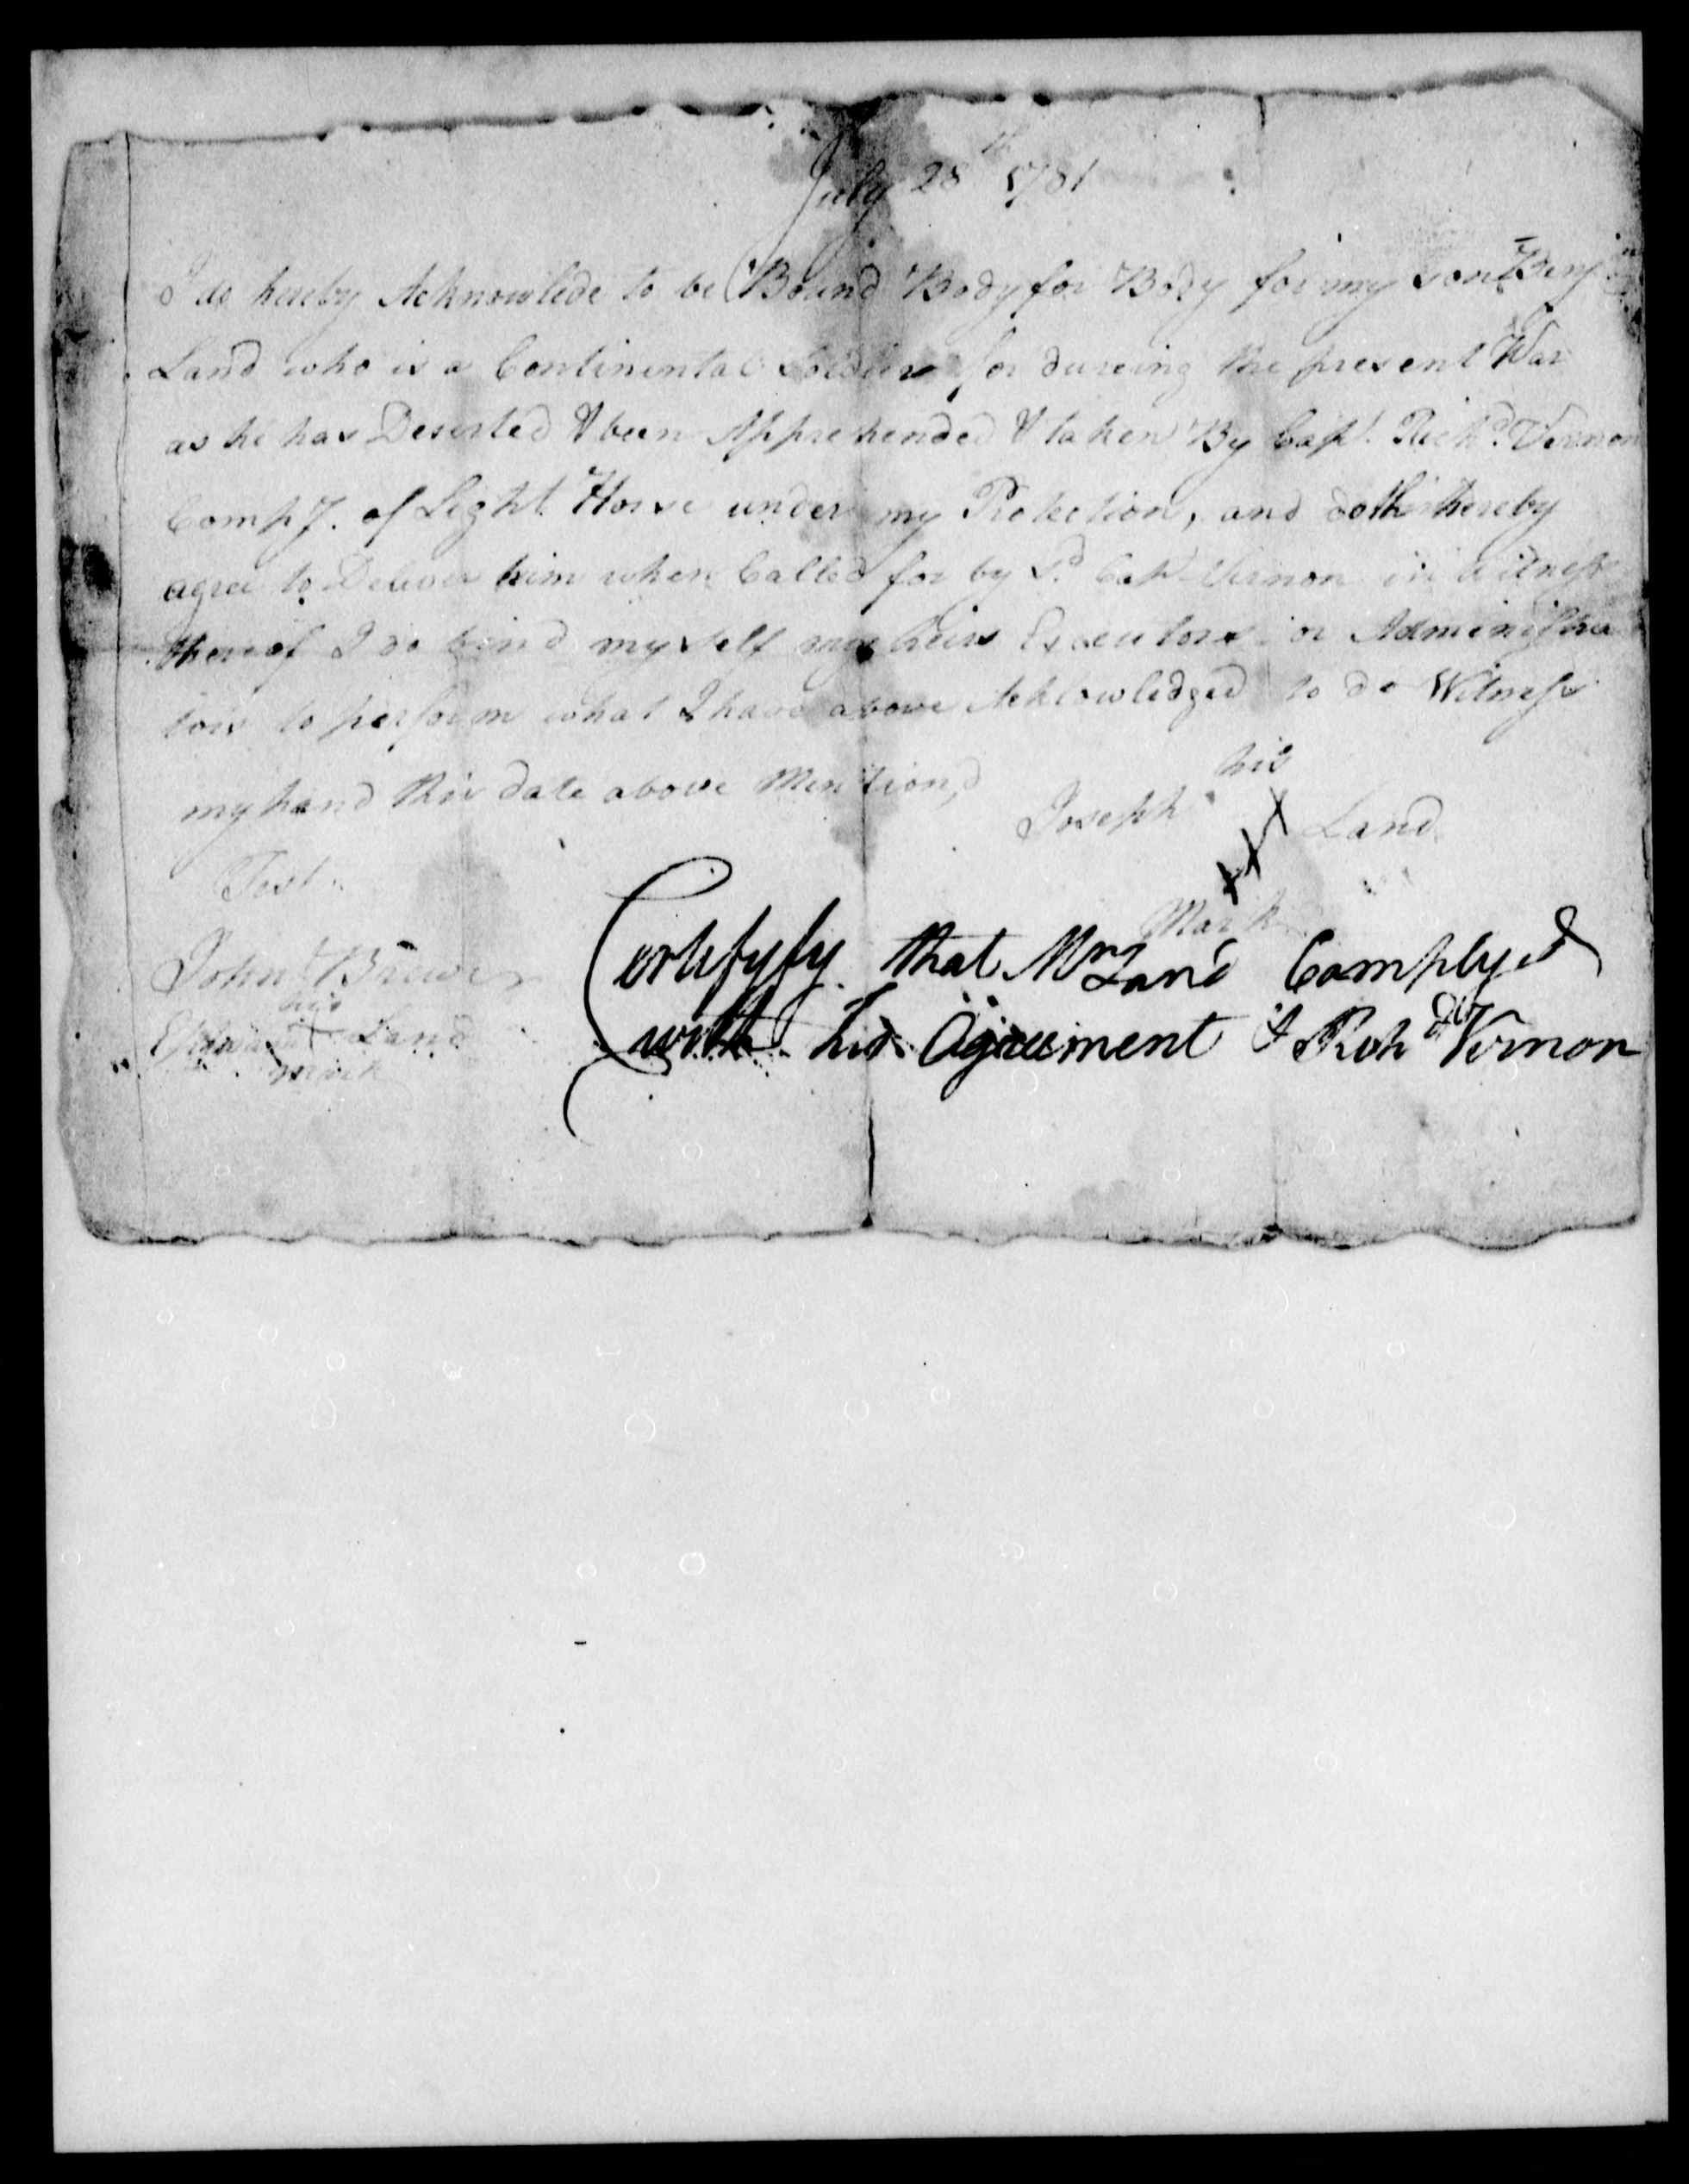July 28th 1781
I do hereby Acknowledge to be Bound Body for Body for my son Benj. Land who is a Continental Soldier for during the present War as he has Deserted & been Apprehended & taken by Capt. Rich'd Vernon Compy. of Light Horse under my Protection, and doth hereby agree to Deliver him when Called for by Sd. Capt. Vernon in Witness thereof I do bind myself my heirs Executors or Administrators to perform what I have above Acknowledged so do Witness my hand this date above mentioned. 
Joseph Land, X his mark 
Test: 
John Brewer
Ephraim Land his X mark
Certify that Mr. Land Complyed [sic]  with his Agreement 
Rich'd Vernon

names: Joseph Land, Richd Vernon, Martin, John L Brewer, Vernon, Benj Land, Ephraim Land, Land, Richd Vernon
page: 32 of 105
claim: survivor's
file: S. 1883, Richard Vernon, N.C.